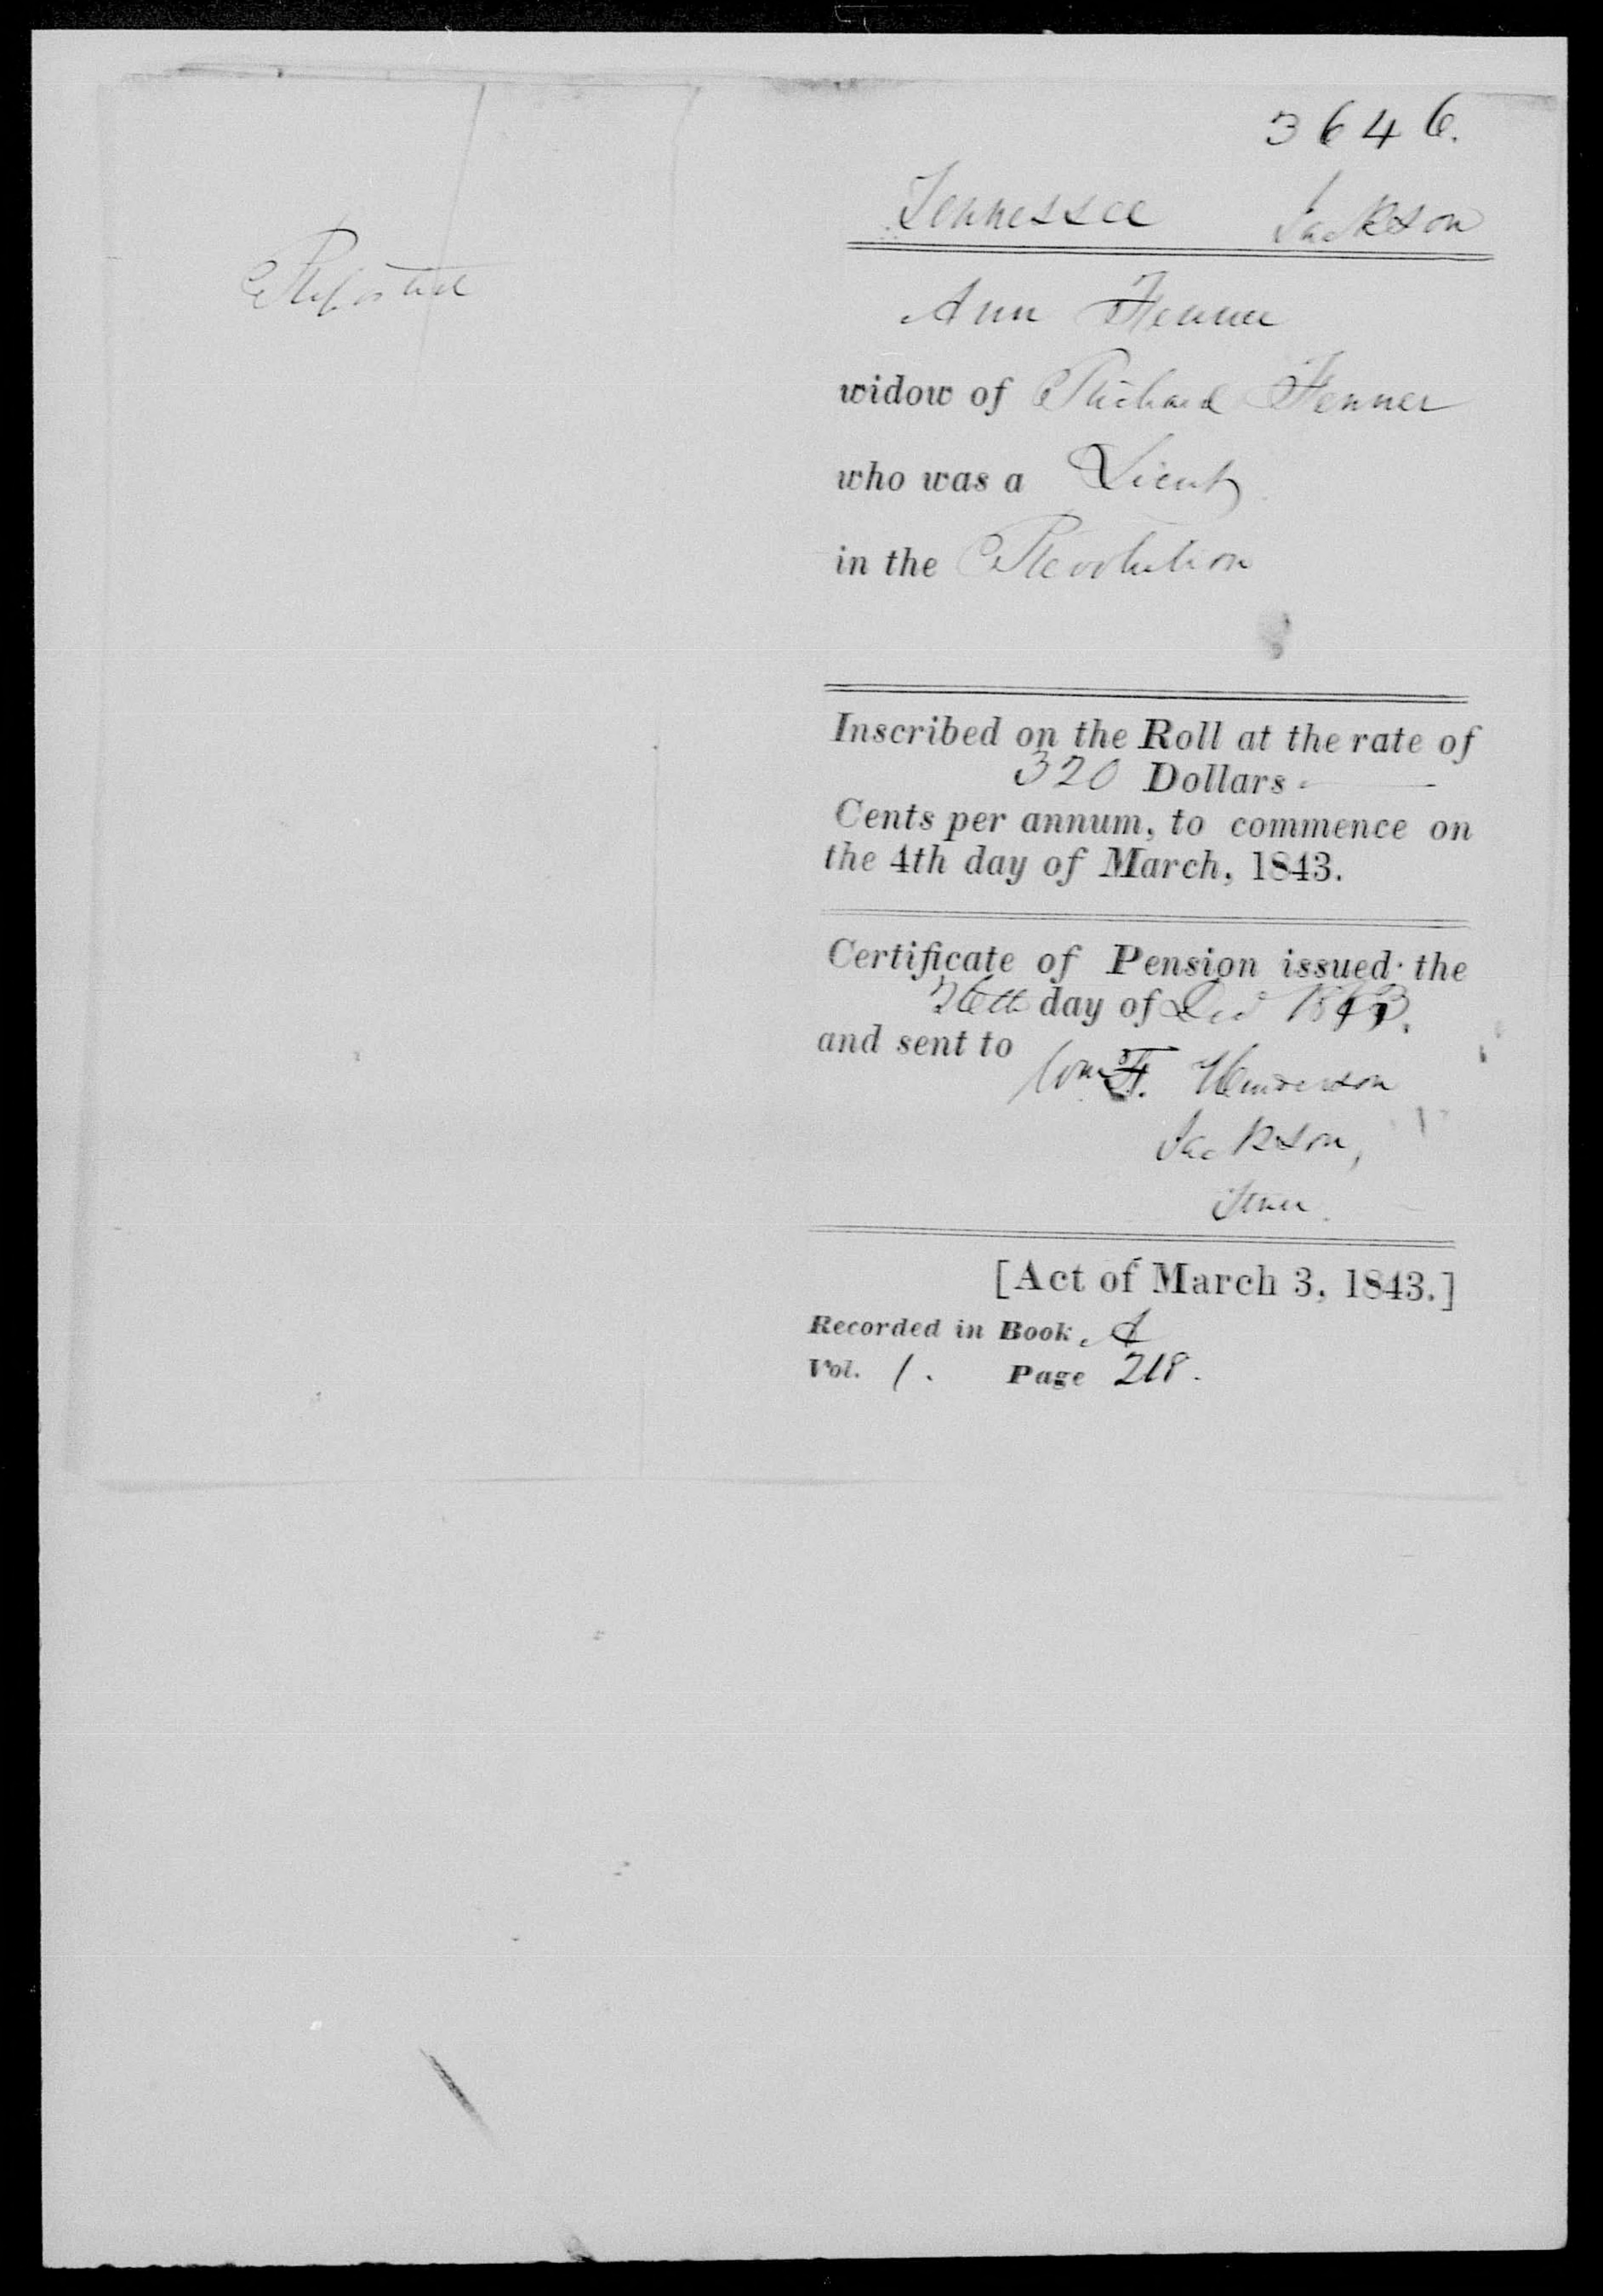3646.

Tennessee Jackson

Ann Fenner
widow of Richard Fenner
who was a Lieut
in the Revolution

Inscribed on the Roll at the rate of 
320 Dollars
Cents per annum, to commence on
the 4th day of March 1843.

Certificate of Pension issued the
26th day of Dec 1843
and sent to Wm. F. Henderson, Jackson, Tenn.

(Act of March 3, 1843.)

Recorded in Book A
Vol. 1 Page 218.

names: Ann Fenner, Wm F Henderson, Richard Fenner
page: 13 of 39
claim: widow's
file: W. 789, Richard Fenner, N.C.